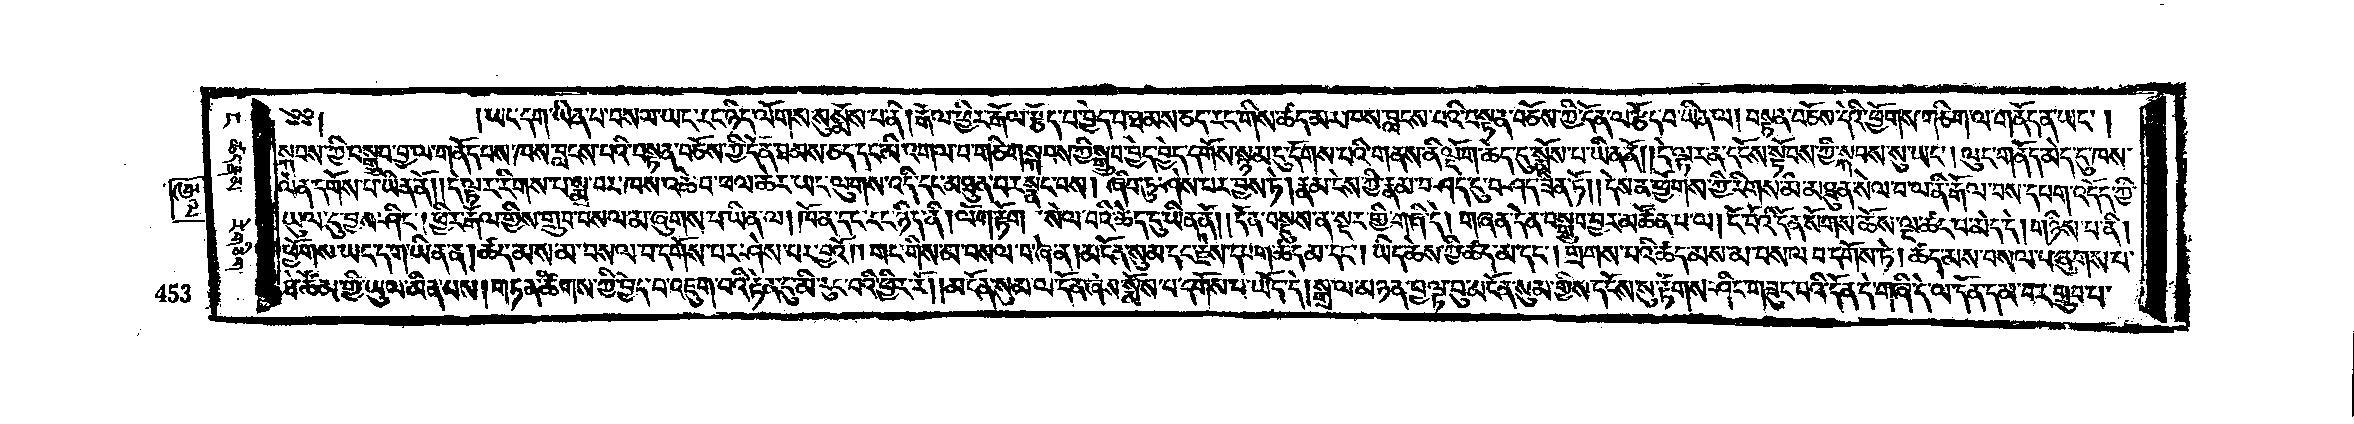༄༅། །ཡང་དག་ཡིན་པ་བསལ་ཡང་རང་ཉིད་ལོགས་སུ་སྨོས་པ་ནི། རྒོལ་ཕྱིར་རྒོལ་རྩོད་པ་བྱེད་པ་ཐམས་ཅད་རང་གིས་ཚད་མར་ཁས་བླངས་པའི་བསྟན་བཅོས་ཀྱི་དོན་ལ་རྩོད་པ་ཡིན་ལ། བསྟན་བཅོས་དེའི་ཕྱོགས་གཅིག་ལ་གནོད་ན་ཡང་།
སྐབས་ཀྱི་བསྒྲུབ་བྱ་ལ་གནོད་པས་ཁས་བླངས་པའི་བསྟན་བཅོས་ཀྱི་དན་ཐམས་ཅད་དང་མི་འགལ་བ་གཅིག་སྐབས་ཀྱི་སྒྲུབ་བྱེད་བྱེད་དགོས་སྙམ་དུ་དོགས་པའི་གནས་ནི་ལྡོག་ཆེད་དུ་སྨོས་པ་ཡིན་ནོ། །དེ་ལྟར་ན་དངོས་སྟོབས་ཀྱི་སྐབས་སུ་ཡང་། ལུང་གནོད་མེད་དུ་ཁས་
ལེན་དགོས་པ་ཡིན་ནོ། །དེ་ལྟར་རིགས་པ་སྨྲ་བར་ཁས་འཆི་བ་ཕལ་ཆེར་ཡང་ལུགས་འདི་དང་མཐུན་པར་སྣང་བས། ཞིབ་ཏུ་ཤེས་པར་བྱས་ཏེ། རྣམ་ངེས་ཀྱི་རྣ་བཤད་དུ་བཤད་ཟིན་ཏོ། །དེས་ན་ཕྱོགས་ཀྱི་རིགས་མི་མཐུན་སེལ་བ་ལ་ནི་རྒོལ་བས་དཔག་འདོད་ཀྱི་
ཡུལ་དུ་བྱས་ཤིང་། ཕྱིར་རྒོལ་གྱིས་གྲུབ་བསལ་མ་ཞུགས་པ་ཡིན་ལ། ཁོ་ན་དང་རང་ཉིད་ནི། ལོག་རྟོགས་སེལ་བའི་ཆེད་དུ་ཡིན་ནོ། །དོན་བསྡུས་ན་སྡར་གྱི་གཞི་དེ། གཞན་དེན་བསྒྲུབ་བྱར་མཚོན་པ་ལ། ངོ་བོའི་དོན་སོགས་ཆོས་ལྔ་ཚང་བ་མེད་དེ། གཉིས་པ་ནི།
ཕྱོགས་ཡང་དག་ཡིན་ན། ཚད་མས་མ་བསལ་བ་དགོས་པར་ཤེས་པར་བྱའོ། །གང་གིས་མ་བསལ་བ་ཞེ་ན། མངོན་སུམ་དང་རྗེས་དཔག་ཚད་མ་དག། ཡིད་ཆེས་ཀྱི་ཚད་མ་དང་། གྲགས་པའི་ཚད་མས་མ་བསལ་བ་དགོས་ཏེ། ཚད་མས་བསལ་བ་ཞུགས་པ་
ཐེ་ཚོམ་གྱི་ཡུལ་མིན་པས། གཏན་ཚིགས་ཀྱི་བྱེད་པ་འཇུག་པའི་རྟེན་དུ་མི་རུང་བའི་ཕྱིར་རོ། །མངོན་སུམ་ལ་དོན་ཞེས་སྨོས་པ་དགོས་པ་ཡོད་དེ། སྒྲ་ལ་མཉན་བྱ་ལྟ་བུ་མངོན་སུམ་གྱིས་དངོས་སུ་རྟོགས་ཤིང་གཟུང་བའི་དོན་དེ་གཞི་དེ་ལ་དོན་དམ་པར་གྲུབ་པ་